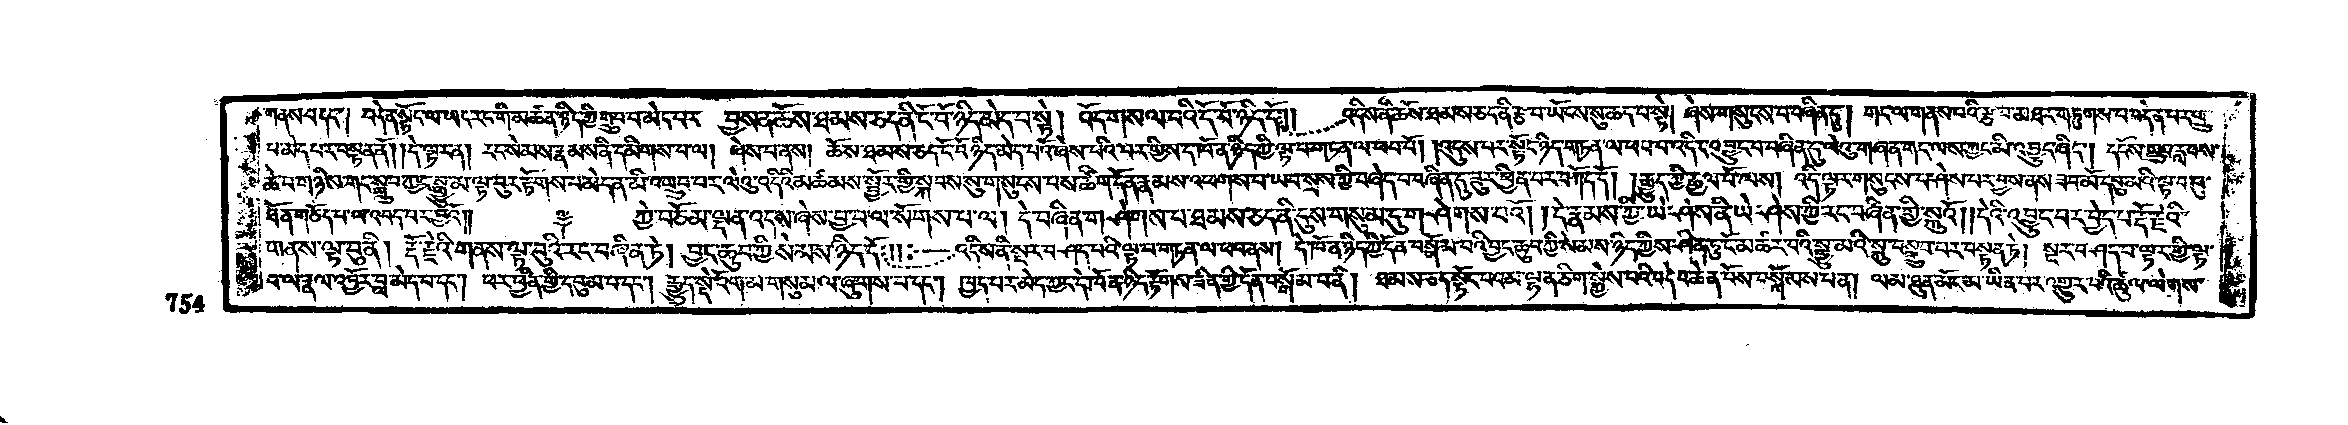གནས་པ་དང་། བདེན་སྟོང་ལ་ཡང་རང་གི་མཚན་ཉིད་ཀྱི་གྲུབ་པ་མེད་པར་བྱས་ན་ཆོས་ཐམས་ཅད་ནི་ངོ་བོ་ཉིད་མེད་པ་སྟེ། འོད་གསལ་བའི་ངོ་བོ་ཉིད་དོ།། འདིས་ནི་ཆོས་ཐམས་ཅད་ནི་རྩ་བ་ཡོངས་སུ་ཆད་པ་སྟེ། ཞེས་གསུངས་པ་བཞིན་དུ། གང་ལ་གནས་པའི་རྩ་བ་མཐར་གཏུགས་པ་བདེན་པར་གྲུབ་
པ་མེད་པར་བསྟན་ནོ། །དེ་ལྟར་ན། རང་སེམས་རྣམས་ནི་དམིགས་པ་ལ། ཞེས་པ་ནས། ཆོས་ཐམས་ཅད་ངོ་བོ་ཉིད་མེད་པའོ་ཞེས་པའི་བར་གྱིས་དེ་ཁོ་ན་ཉིད་ཀྱི་ལྟ་བ་གཏན་ལ་ཕབ་པོ། །འདུས་པར་སྟོང་ཉིད་གཏན་ལ་ཕབ་པ་འདིར་འབྱུང་བ་བཞིན་དུ་ལེའུ་གཞན་གང་ལས་ཀྱང་མི་འབྱུང་ཞིང་། དངོས་གྲུབ་རླབས་
ཆེ་བ་གཉིས་གང་སྒྲུབ་ཀྱང་སྒྱུ་མ་ལྟ་བུར་རྟོགས་པ་མེད་ན་མི་འགྲུབ་པར་ལེའུ་འདིའི་མཚམས་སྦྱོར་གྱི་སྐབས་སུ་གསུངས་པས་ཚིག་དོན་རྣམས་འཕགས་པ་ཡབ་སྲས་ཀྱི་བཞེད་པ་བཞིན་དུ་ཟུར་ཕྱིན་པར་བཀོད་དོ། །རྒྱུད་ཀྱི་རྒྱལ་པོ་ལས། འདི་ལྟར་གསུངས་པ་ཤེས་པར་བྱས་ནས་ཟབ་མོ་དབུ་མའི་ལྟ་བ་ཕུ་
ཐེག་གཅོད་པ་ལ་འབད་པར་བྱའོ།། ༈ ཀྱེ་བཅོམ་ལྡན་འདས་ཞེས་བྱ་བ་ལ་སོགས་པ་ལ། དེ་བཞིན་གཤེགས་པ་ཐམས་ཅད་ནི་དུས་གསུམ་དུ་གཤེགས་པའོ། །དེ་རྣམས་ཀྱི་ཡེ་ཤེས་ནི་ཡེ་ཤེས་ཀྱི་རང་བཞིན་གྱི་སྐུའོ། །དེའི་འབྱུང་བར་བྱེད་པ་རྡོ་རྗེའི་
གནས་ལྟ་བུ་ནི། རྡོ་རྗེའི་གནས་ལྟ་བུའི་རང་བཞིན་ཏེ། བྱང་ཆུབ་ཀྱི་སེམས་ཉིད་དོ།། འདིས་ནི་སྔར་བཤད་པའི་ལྟ་བ་གཏན་ལ་ཕབ་ནས། དེ་ཁོ་ན་ཉིད་ཀྱི་དོན་བསྒོམ་པའི་བྱང་ཆུབ་ཀྱི་སེམས་ཉིད་ཀྱིས་ཤིན་ཏུ་ངོ་མཚར་བའི་སྒྱུ་མའི་སྐུ་བསྒྲུབ་པར་བསྟན་ཏེ། སྔར་བཤད་པ་ལྟར་གྱི་ལྟ་
བ་ལ་རྣལ་འབྱོར་བླ་མེད་པ་དང་། ཕར་ཕྱིན་གྱི་དབུ་མ་པ་དང་། རྒྱུད་སྡེ་འོག་མ་གསུམ་ལ་ཞུགས་པ་དང་། ཁྱད་པར་མེད་ཀྱང་དེ་ཁོ་ན་ཉིད་རྟོགས་ཟིན་གྱི་དོན་བསྒོམ་པ་ནི། ཐམས་ཅད་སྟོང་པའམ་ལྷན་ཅིག་སྐྱེས་པའི་བདེ་བ་ཆེན་པོས་བསྒོམས་པ་ན། ལམ་ཐུན་མོང་མ་ཡིན་པར་འགྱུར་བའི་ཚུལ་ལེགས་